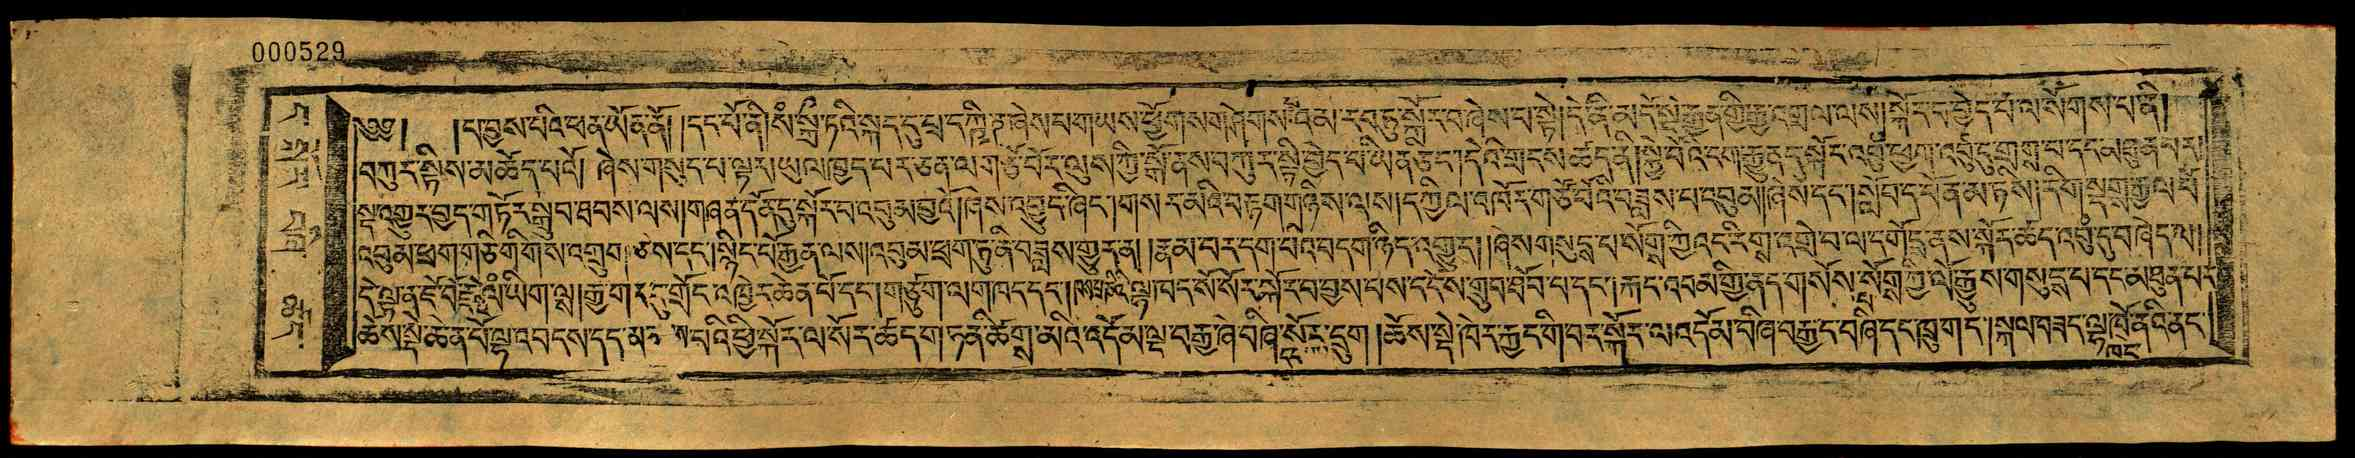༄༅། །བ་བྱས་པའི་ཕན་ཡོན་ནོ། །དང་པོ་ནི། སཾསྐྲྀ་ཏའི་སྐད་དུ་པྲ་དཀྵི་ཎ་ཞེས་པ་གཡས་ཕྱོགས་གཤེགས་པའམ་རབ་ཏུ་སྐོར་བ་ཞེས་པ་སྟེ། དེ་ནི་མདོ་སྡེ་རྒྱན་གྱི་གྱ་འགྲེལ་ལས། སྐོར་བ་བྱེད་པ་ལ་སོགས་པ་ནི་
བཀུར་སྟིས་མཆོད་པའོ། །ཞེས་གསུངས་པ་ལྟར། ཡུལ་ཁྱད་པར་ཅན་ལ་གཙོ་བོར་ལུས་ཀྱི་སྒོ་ནས་བཀུར་སྟི་བྱེད་པ་ཡིན་ཅིང་། དེའི་གྲངས་ཚད་ནི། སྐྱེ་བོའི་ངག་རྒྱུན་དུ་སྐོར་འབུམ་ཕྱག་འབུམ་དུ་གྲག་པ་དང་མཐུན་པར། སྡ་འགྱུར་
བྱང་གཏེར་སྒྲུབ་ཐབས་ལས། གཞན་དོན་དུ་སྐོར་བ་འབུམ་བྱའོ། །ཞེས་འབྱུང་ཞིན། གསལ་མའི་བརྟག་གཉིས་ལས། དཀྱོ་ལུང་པ་སོགས་ཀྱི་འཁོར་གཙོ་བོའི་བཟླས་པ་འབུམ། ཞེས་དང་། སློབ་དཔོན་མ་ཏིས། རིག་སྔགས་རྒྱལ་པོ་འབུམ་ཕྲག་ཅིག་
གིས་འགྲུབ། ཅེས་དང་། སྙིང་པོ་རྒྱན་ལས། འབུམ་ཕྲག་ཏུ་ནི་བཟླས་གྱུར་ན། །རྣམ་པར་དག་བའི་བདག་ཉིད་འགྱུར། །ཞེས་གསུངས་པ་སོགས་ཀྱིའང་རིགས་འགྲེ་བ་ལ་དགོངས་ནས་སྐོར་ཚད་འབུམ་དུ་བཞེད་ལ། དེ་ལྟ་ན་ཇོ་བོ་རྗེའི་
ལམ་ཡིག་ལས། རྒྱ་གར་དུ་གྲོང་ཁྱེར་ཆེན་པོ་དང་། གཙུག་ལག་ཁང་དང་། ཁ་སཝ་ཎིའི་ལྷ་ཁང་སོ་སོར་སྐོར་བ་བྱས་པས་དངོས་གྲུབ་ཐོབ་པ་དང་། རྐང་འབམ་གྱི་ནད་གསོས་པ་སོགས་ཀྱི་ལོ་རྒྱུས་གསུངས་པ་དང་མཐུན་པར།
ཆོས་སྡེ་ཆེན་པོ་ལྷ་འབངས་དང་བཅས་པའི་ཕྱི་སྐོར་ལ་སོར་ཚད་གཏན་ཚིགས་མའི་འདོམ་ལྔ་བརྒྱ་ཞེ་བཞི་དང་སོར་དྲུག །ཆོས་སྡེ་ཁེར་རྐྱང་གི་བར་སྐོར་ལ་འདོམ་བཞི་བརྒྱ་ང་བཞི་དང་ཁྲུ་གང་། སྐལ་བཟང་ལྷ་ཁང་ཁོ་ནའི་ནང་